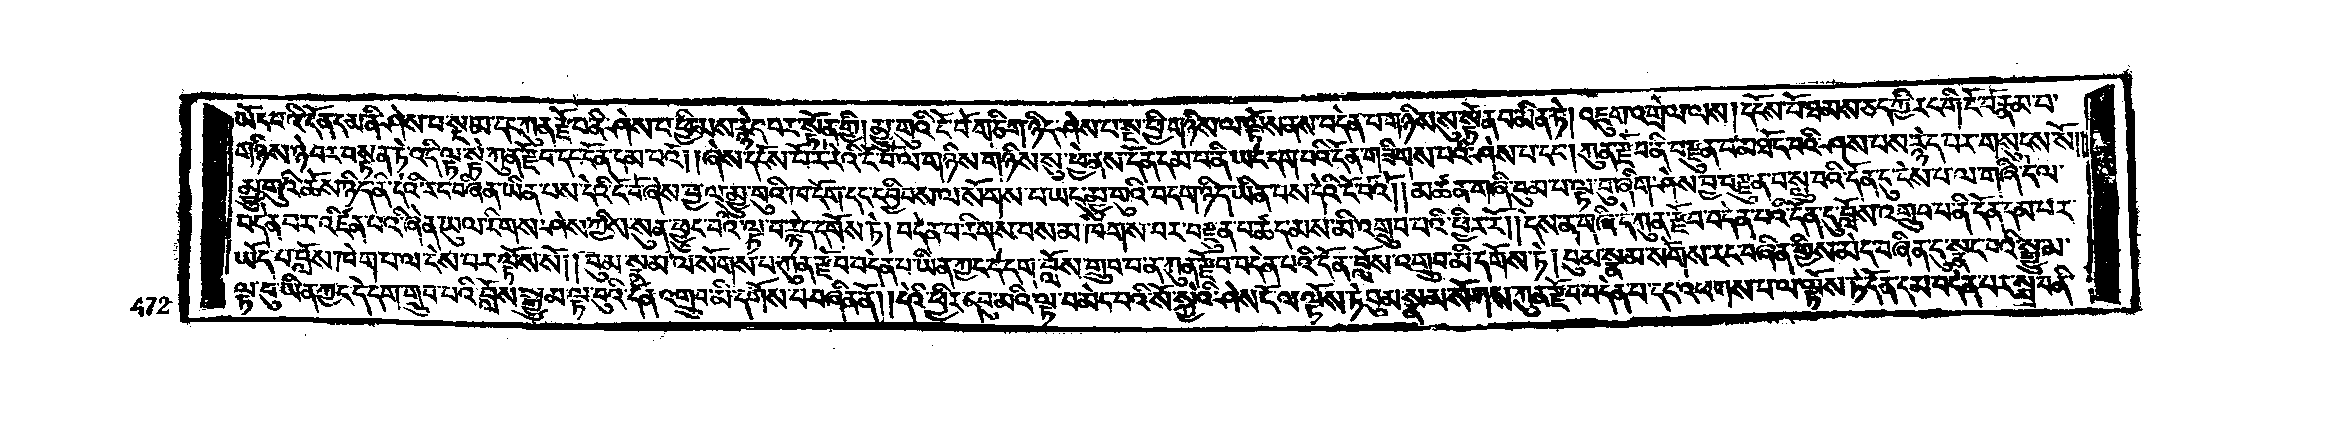ཡོད་པའི་དོན་དམ་ནི་ཤེས་པ་སྔ་མ་དང་ཀུན་རྫོབ་ནི་ཤེས་པ་ཕྱི་མས་རྙེད་པར་སྟོན་གྱི། མྱུ་གུའི་ངོ་བོ་གཅིག་ཉིད་ཤེས་པ་སྔ་ཕྱི་གཉིས་ལ་ལྟོས་ནས་བདེན་པ་གཉིས་སུ་སྟོན་པ་མིན་ཏེ། འཇུག་འགྲེལ་ལས། དངོས་པོ་ཐམས་ཅད་ཀྱི་རང་གི་ངོ་བོ་རྣམ་པ་
གཉིས་ཉེ་བར་བསྟན་ཏེ་འདི་ལྟ་སྟེ་ཀུན་རྫོབ་དང་དོན་དམ་པའོ། །ཞེས་དངོས་པོ་རེ་རེའི་ངོ་བོ་ལ་གཉིས་གཉིས་སུ་ཕྱེ་ནས་དོན་དམ་པ་ནི་ཡང་དག་པའི་དོན་གཟིགས་པའི་ཤེས་པ་དང་། ཀུན་རྫོབ་ནི་བརྫུན་པ་མཐོང་བའི་ཤས་པས་རྙེད་པར་གསུངས་སོ། །
མྱུ་གུའི་ཆོས་ཉིད་ནི་དེའི་རང་བཞིན་ཡིན་པས་དེའི་ངོ་བོ་ཞེས་བྱ་ལ་མྱུ་གུའི་ཁ་དོག་དང་དབྱིབས་ལ་སོགས་པ་ཡང་མྱུ་གུའི་བདག་ཉིད་ཡིན་པས་དེའི་ངོ་བོའོ། །མཚན་གཞི་བུམ་པ་ལྟ་བུ་ཞིག་ཤེས་བྱ་བརྫུན་བ་སླུ་བའི་དོན་དུ་ངེས་པ་ལ་གཞི་དེ་ལ་
བདེན་པར་འཛིན་པའི་ཞེན་ཡུལ་རིགས་ཤེས་ཀྱིས་སུན་ཕྱུང་བའི་ལྟ་བ་རྙེད་དགོས་ཏེ། བདེན་པ་རིགས་པས་མ་ཁེགས་པར་བརྫུན་པ་ཚད་མས་མི་འགྲུབ་པའི་ཕྱིར་རོ། །དེས་ན་གཞི་དེ་ཀུན་རྫོབ་བདེན་པའི་དོན་དུ་བློས་འགྲུབ་པ་ནི་དོན་དམ་པར་
ཡོད་པ་བློས་ཁེག་པ་ལ་ངེས་པར་ལྟོས་སོ། །བུམ་སྣམ་ལ་སོགས་པ་ཀུན་རྫོབ་བདེན་པ་ཡིན་ཀྱང་དེ་དག་བློས་གྲུབ་པ་ན་ཀུན་རྫོབ་བདེན་པའི་དོན་བློས་འགྲུབ་མི་དགོས་ཏེ། བུམ་སྣམ་སོགས་རང་བཞིན་གྱིས་མེད་བཞིན་དུ་སྣང་བའི་སྒྱུ་མ་
ལྟ་བུ་ཡིན་ཀྱང་དེ་དག་གྲུབ་པའི་བློས་སྒྱུ་མ་ལྟ་བུའི་དོན་འགྲུབ་མི་དགོས་པ་བཞིན་ནོ། །དེའི་ཕྱིར་དབུ་མའི་ལྟ་བ་མེད་པའི་སོ་སྐྱེའི་ཤེས་ངོ་ལ་ལྟོས་ཏེ་བུམ་སྣམ་སོགས་ཀུན་རྫོབ་བདེན་པ་དང་འཕགས་པ་ལ་ལྟོས་ཏེ་དོན་དམ་བདེན་པར་སྨྲ་བ་ནི་